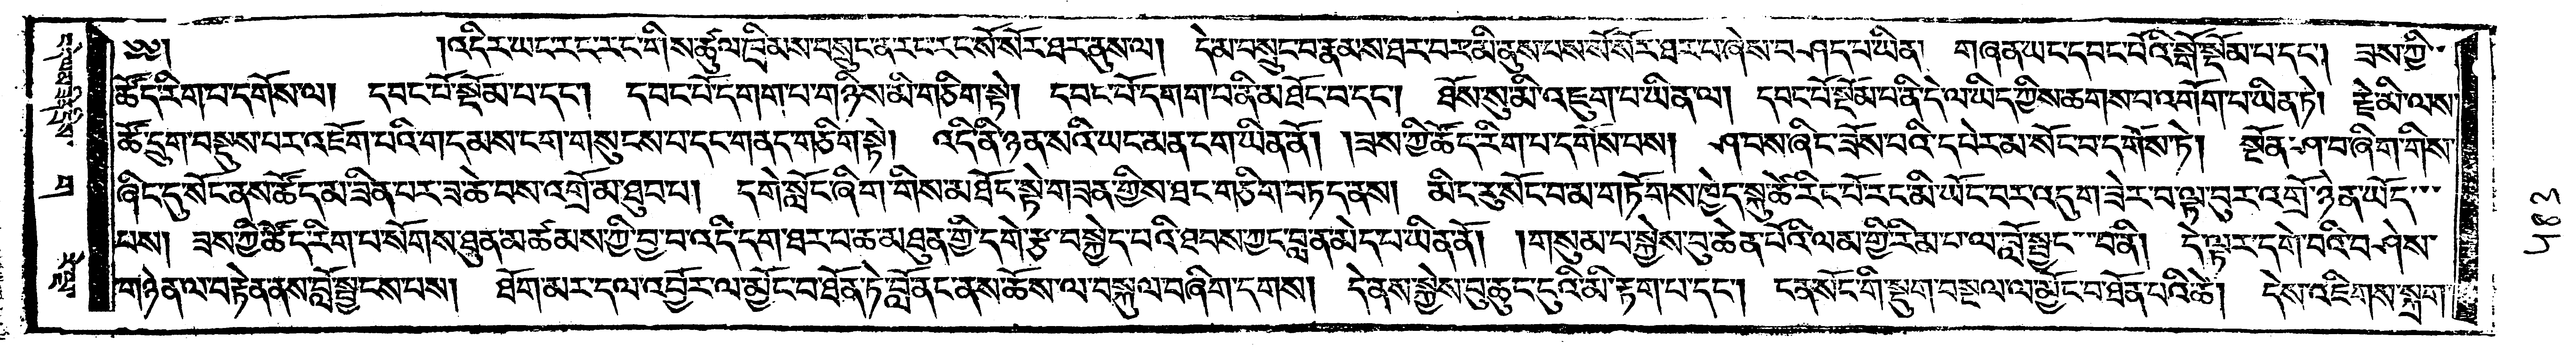༄༅། །འདིར་ཡང་རང་རང་གིས་ཚུལ་ཁྲིམས་བསྲུང་ན་རང་རང་སོ་སོར་ཐར་ནུས་ལ། དེ་མ་བསྲུང་བ་རྣམས་ཐར་བར་མི་ནུས་པས་སོ་སོར་ཐར་དུ་ཞེས་བཤད་པ་ཡིན། གཞོན་ཡང་དབང་པོའི་སྒོ་སྡོམ་པ་དང་། ཟས་ཀྱི་
ཚོད་རིག་པ་དགོས་ལ། དབང་པོ་སྡོམ་པ་དང་། དབང་པོ་དགག་པ་གཉིས་མི་གཅིག་སྟེ། དབང་པོ་དགག་པ་ནི་མཐོང་བ་དང་། ཐོས་སུ་མི་འཇུག་པ་ཡིན་ལ། དབང་པོ་སྡོམ་བ་ནི་དེ་ལ་ཡིད་ཀྱིས་ཆགས་བ་འགོག་བ་ཡིན་ཏེ། རྗེ་མི་ལས་
ཆོ་དྲུག་བསྡུས་པར་འཇོག་པའི་གདམས་ངག་གསུངས་པ་དང་གནད་གཅིག་སྟེ། འདི་ནི་ཉན་སའི་ཡང་མན་ངག་ཡིན་ནོ། །ཟས་ཀྱི་ཚོད་རིག་པ་དགོས་པས། ཤ་བས་ཞིང་ཟོས་པའི་དཔེར་མ་སོང་བ་དགོས་ཏེ། སྔོན་ཤ་བཞིག་གིས་
ཞིང་དུ་སོང་ནས་ཚོད་མ་ཟིན་པར་ཟ་ཆེ་བས་འགྲོ་མ་ཐུབ་པ། དགེ་སློང་ཞིག་གིས་མཐོང་སྟེ་གཟན་གྱིས་ཐང་གཅིག་བཏད་ནས། མིང་རུ་སོང་བ་མ་གཏོགས་ཁྱེད་སྐུ་ཚེ་རིང་པོ་རང་མི་ཡོང་བར་འདུག་ཟེར་བ་ལྟ་བུར་འགྲོ་ཉེན་ཡོད་
པས། ཟས་ཀྱི་ཚོད་རིག་པ་སོགས་ཐུན་མཚམས་ཀྱི་བྱ་པ་འདི་དག་ཐར་པ་ཆ་མཐུན་གྱི་དགེ་རྩ་བསྐྱེད་པའི་ཐབས་ཀྱང་བླ་ན་མེད་པ་ཡིན་ནོ། །གསུམ་པ་སྐྱེས་བུ་ཆེན་པོའི་ལམ་གྱི་རིམ་པ་ལ་བློ་སྦྱང་བ་ནི། དེ་ལྟར་དགེ་བའི་བཤེས་
གཉེན་ལ་བརྟེན་ནས་བློ་སྦྱངས་པས། ཐོག་མར་དལ་འབྱོར་ལ་མྱོང་བ་ཐོན་ཏེ་བློ་ནང་ནས་ཆོས་ལ་བསྐུལ་བཞིག་དགོས། དེ་ནས་སྐྱེས་བུ་ཆུང་ངུའི་མི་རྟག་པ་དང་། ངན་སོང་གི་སྡུག་བསྔལ་ལ་མྱོང་བ་ཐོན་པའི་ཆེ། དེས་འཇིགས་སྐྲག་